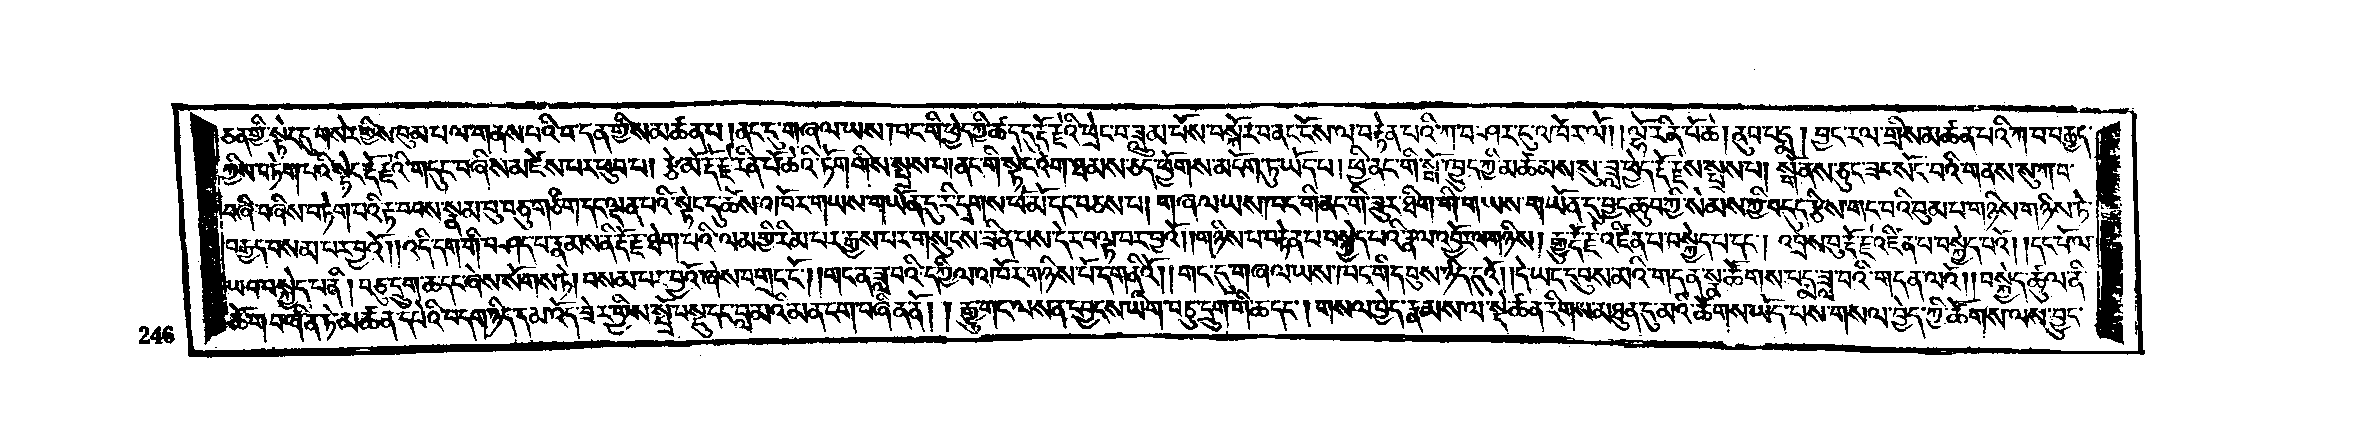ཅན་གྱི་སྟེང་དུ་གསེར་གྱིས་བུམ་པ་ལ་གནས་པའི་བ་དན་གྱིས་མཚན་པ། ནང་དུ་གཞལ་ཡས་ཁང་གི་ཕྱེད་ཀྱི་ཚད་དུ་རྡོ་རྗེའི་ཕྲེང་བ་ཟླུམ་པོས་བསྐོར་བ་ནང་ངོས་ལ་བརྟེན་པའི་ཀ་བ་ཤར་དུ་འཁོར་ལོ། །ལྷོ་རིན་པོ་ཆེ། ནུབ་པདམ། བྱང་རལ་གྲིས་མཚན་པའི་ཀ་བ་བརྒྱད་
ཀྱིས་བཏེག་པའི་སྟེང་རྡོ་རྗེའི་གདུང་བཞིས་མཛེས་པར་ཕུབ་པ། རྩེ་མོ་རྡོ་རྗེ་རིན་པོ་ཆེའི་ཏོག་གིས་སྤྲས་པ། ནང་གི་སྟེང་འོག་ཐམས་ཅད་ཕྱོགས་མདོག་ཏུ་ཡོད་པ། ཕྱི་ནང་གི་སྒོ་ཁྱུད་ཀྱི་མཚམས་སུ་ཟླ་ཕྱེད་རྡོ་རྗེས་སྤྲས་པ། སྒོ་ནས་ཅུང་ཟད་སོང་བའི་གནས་སུ་ཀ་བ་
བཞི་བཞིས་བཏེག་པའི་རྟ་བབས་སྣམ་བུ་བཅུ་གཅིག་དང་ལྡན་པའི་སྟེང་དུ་ཆོས་འཁོར་གཡས་གཡོན་དུ་རི་དྲགས་ཕོ་མོ་དང་བཅས་པ། གཞལ་ཡས་ཁང་གི་ནང་གི་ཟུར་ཐིག་གི་གཡས་གཡོན་དུ་བྱང་ཆུབ་ཀྱི་སེམས་ཀྱི་བདུད་རྩིས་གང་བའི་བུམ་པ་གཉིས་གཉིས་ཏེ་
བརྒྱད་བསམ་པར་བྱའོ། །འདི་དག་གི་བཤད་པ་རྣམས་ནི་རྡོ་རྗེ་ཐེག་པའི་ལམ་གྱི་རིམ་པར་རྒྱས་པར་གསུངས་ཟིན་པས་དེར་བལྟ་བར་བྱའོ། །གཉིས་པ་བརྟེན་པ་བསྐྱེད་པའི་རྣལ་འབྱོར་ལ་གཉིས། རྒྱུ་རྡོ་རྗེ་འཛིན་པ་བསྐྱེད་པ་དང་། འབྲས་བུ་རྡོ་རྗེ་འཛིན་པ་བསྐྱེད་པའོ། །དང་པོ་ལ་
ཡབ་བསྐྱེད་པ་ནི། བཅུ་དྲུག་ཆ་དང་ཞེས་སོགས་ཏེ། བསམ་པ་བྱའོ་ཞེས་བགྲང་ངོ། །གང་ན་ཟླ་བའི་དཀྱིལ་འཁོར་གཉིས་པོ་དག་ནིའོ། །གང་དུ་གཞལ་ཡས་ཁང་གི་དབུས་ཉིད་དུའོ། །དེ་ཡང་དབུས་མའི་གདན་སྣ་ཚོགས་པདམ་ཟླ་བའི་གདན་ལའོ། །བསྐྱེད་ཚུལ་ནི་
ཆོ་ག་བཞིན་ཏེ་མཚན་དཔེའི་བདག་ཉིད་དམ་འོད་ཟེར་གྱིས་སྤྲོ་བསྡུ་དང་བླ་མའི་མན་ངག་བཞིན་ནོ། །རྒྱུ་གང་ལས་ན་དབྱངས་ཡིག་བཅུ་དྲུག་གི་ཆ་དང་། གསལ་བྱེད་རྣམས་ལ་སྡེ་ཚན་རིགས་མཐུན་དུ་མའི་ཚོགས་ཡོད་པས་གསལ་བྱེད་ཀྱི་ཚོགས་ལས་བྱུང་